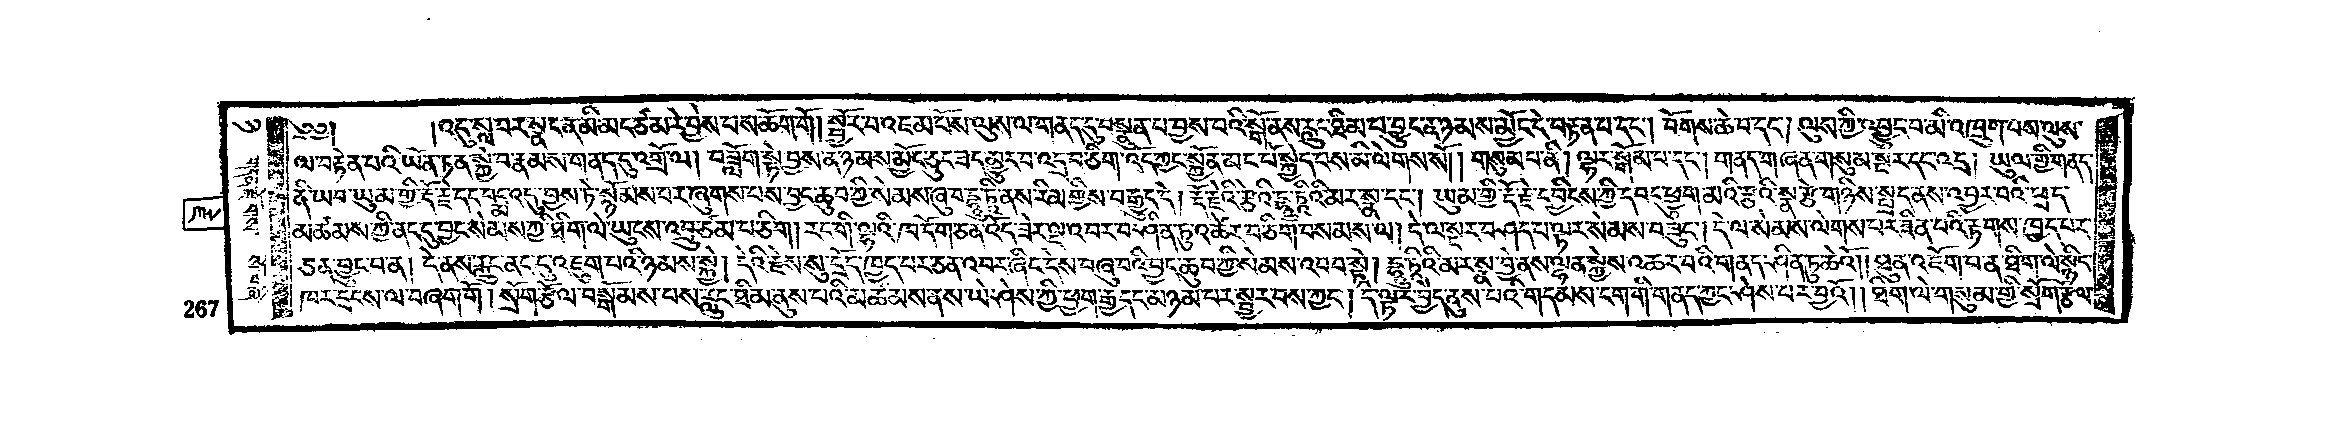༄༅། །འདུ་སླ་བར་སྣང་ན་མི་མང་ཙམ་རེ་བྱས་པས་ཆོག་གོ །སྦྱོར་བ་འཇམ་པོས་ལུས་ལ་གནད་དུ་བསྣུན་པ་བྱས་པའི་སྒོ་ནས་རླུང་ཐིམ་པ་བྱུང་ན་ཉམས་མྱོང་དེ་བརྟན་པ་དང་། བོགས་ཆེ་བ་དང་། ལུས་ཀྱི་འབྱུང་བ་མི་འཁྲུག་པས་ལུས་
ལ་བརྟེན་པའི་ཡོན་ཏན་སྐྱེ་བ་རྣམས་གནད་དུ་འགྲོ་ལ། བཟློག་སྟེ་བྱས་ན་ཉམས་མྱོང་ཅུང་ཟད་མྱུར་བ་འདྲ་བ་ཅིག་འོད་ཀྱང་སྐྱོན་མང་པོ་སྐྱེད་པས་མི་ལེགས་སོ། །གསུམ་པ་ནི། ལྷར་སྒོམ་པ་དང་། གནད་གཞན་གསུམ་སྔར་དང་འདྲ། ཡུལ་གྱི་གནད་
ནི་ཡབ་ཡུམ་གྱི་རྡོ་རྗེ་དང་པདམ་འདུ་བྱས་ཏེ་སྙོམས་པར་ཞུགས་པས་བྱང་ཆུབ་ཀྱི་སེམས་ཞུ་བ་དྷཱུ་ཏཱི་ནས་རིམ་གྱིས་བརྒྱུད་དེ། རྡོ་རྗེའི་རྩེའི་དྷཱུ་ཏཱིའི་མར་སྣ་དང་། ཡུམ་གྱི་རྡོ་རྗེ་དབྱིངས་ཀྱི་དབང་ཕྱུག་མའི་རྩའི་སྣ་རྩེ་གཉིས་སྤྲད་ནས་འབྱར་བའི་ཕྲད་
མཚམས་ཀྱི་ནང་དུ་བྱང་སེམས་ཀྱི་ཐིག་ལེ་ཡུངས་འབྲུ་ཙམ་པ་ཅིག །རང་གི་ལྷའི་ཁ་དོག་ཅན་འོད་ཟེར་ལྔ་འབར་བ་ཤིན་ཏུ་འཚེར་བ་ཅིག་བསམས་ལ། དེ་ལ་སྔར་བཤད་པ་ལྟར་སེམས་བཟུང་། དེ་ལ་སེམས་ལེགས་པར་ཟིན་པའི་རྟགས་ཁྱད་པར་
ཅན་བྱུང་བ་ན། དེ་ནས་རླུང་ནང་དུ་འཇུག་པའི་ཉམས་སྐྱེ། དེའི་རྗེས་སུ་དྲོད་ཁྱད་པར་ཅན་འབར་ཞིང་དེས་བཞུ་བའི་བྱང་ཆུབ་ཀྱི་སེམས་འབབ་སྟེ། དྷཱུ་ཏཱིའི་མར་སྣ་བྱེ་ནས་ལྷན་སྐྱེས་འཆར་བའི་གནད་ཤིན་ཏུ་ཆེའོ། །ཐུན་འཇོག་པ་ན་ཐིག་ལེ་སྙིང་
ཁར་དྲངས་ལ་བཞག་གོ །སྲོག་རྩོལ་བསྒོམས་པས་རླུང་ཐིམ་ནུས་པའི་མཚམས་ནས་ཡེ་ཤེས་ཀྱི་ཕྱག་རྒྱ་དང་མཉམ་པར་སྦྱར་བས་ཀྱང་། དེ་ལྟར་བྱེད་ནུས་པའི་གདམས་ངག་གི་གནད་ཀྱང་ཤེས་པར་བྱའོ། །ཐིག་ལེ་གསུམ་གྱི་སྲོག་རྩོལ་